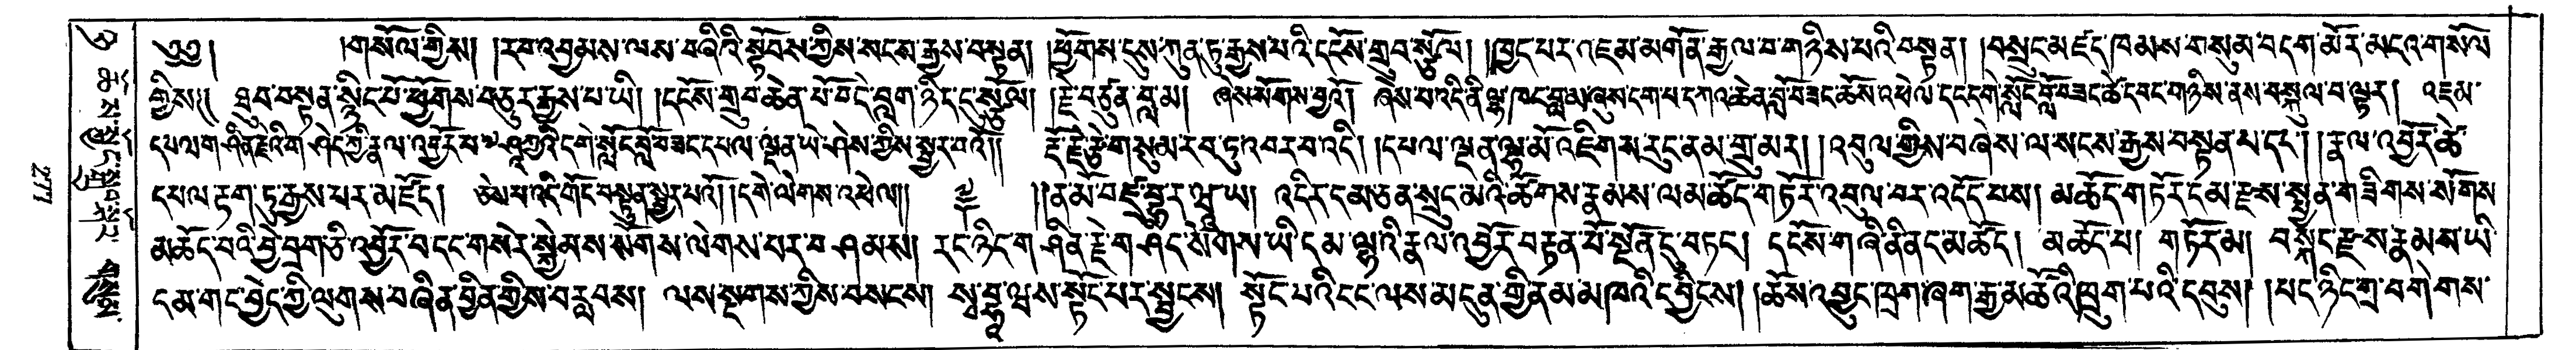༄༅། །གསོལ་གྱིས། །རབ་འབྱམས་ལས་བཞིའི་སྟོབས་ཀྱིས་སངས་རྒྱས་བསྟན། །ཕྱོགས་དུས་ཀུན་ཏུ་རྒྱས་པའི་དངོས་གྲུབ་སྩོལ། །ཁྱད་པར་འཇམ་མགོན་རྒྱལ་བ་གཉིས་པའི་བསྟན། །བསྲུང་མཛད་ཁམས་གསུམ་བདག་མོར་མངའ་གསོལ་
གྱིས༑ ༑ཐུབ་བསྟན་སྙིང་པོ་ཕྱོགས་བཅུར་རྒྱས་པ་ཡི། །དངོས་གྲུབ་ཆེན་པོ་བདེ་བླག་ཉིད་དུ་སྩོལ། །རྗེ་བཙུན་བླ་མ། ཞེས་སོགས་བྱའོ། ཞེས་པ་འདི་ནི་ལྷ་ཁང་བླ་མ་ཞུས་དག་པ་དཀའ་ཆེན་བློ་བཟང་ཆོས་འཕེལ་དང་དགེ་སློང་བློ་བཟང་ཚེ་དབང་གཉིས་ནས་བསྐུལ་བ་ལྟར། འཇམ་
དཔལ་གཤིན་རྗེའི་གཤེད་ཀྱི་རྣལ་འབྱོར་པ་ཤཱཀྱའི་དགེ་སློང་བློ་བཟང་དཔལ་ལྡན་ཡེ་ཤེས་ཀྱིས་སྦྱར་བའོ།། རྡོ་རྗེ་རྩེ་གསུམ་རབ་ཏུ་འབར་བ་འདི། །དཔལ་ལྡན་ལྷ་མོ་འཇིགས་རུང་ནམ་གྲུ་མར། །འབུལ་གྱིས་བཞེས་ལ་སངས་རྒྱས་བསྟན་པ་དང་། །རྣལ་འབྱོར་ཚེ་
དཔལ་རྟག་ཏུ་རྒྱས་པར་མཛོད། ཅེས་པའང་གོང་བསྟུན་སྦྱར་བའོ། །དགེ་ལེགས་འཕེལ།། ༈ །།ན་མོ་བཛྲ་བྷཻ་ར་ཝཱ་ཡ། འདིར་དམ་ཅན་སྲུང་མའི་ཚོགས་རྣམས་ལ་མཆོད་གཏོར་འབུལ་བར་འདོད་པས། མཆོད་གཏོར་དམ་རྫས་སྤྱན་གཟིགས་སོགས་
མཆོད་པའི་བྱེ་བྲག་ཅི་འབྱོར་པ་དང་གསེར་སྐྱེམས་སོགས་ལེགས་པར་བཤམས། རང་ཉིད་གཤིན་རྗེ་གཤེད་སོགས་ཡི་དམ་ལྷའི་རྣལ་འབྱོར་བརྟན་པོ་སྔོན་དུ་བཏང་། དངོས་གཞི་ནི་ནང་མཆོད། མཆོད་པ། གཏོར་མ། བསྐང་རྫས་རྣམས་ཡི་
དམ་གང་བྱེད་ཀྱི་ལུགས་བཞིན་བྱིན་གྱིས་བརླབས། ལས་སྔགས་ཀྱིས་བསངས། སྭ་བྷཱ་ཝས་སྟོང་པར་སྦྱངས། སྟོང་པའི་ངང་ལས་མདུན་གྱི་ནམ་མཁའི་དབྱིངས། །ཆོས་འབྱུང་ཁྲག་ཞག་རྒྱ་མཚོ་འཁྲུག་པའི་དབུས། །པད་ཉིད་གྲ་བགེགས་